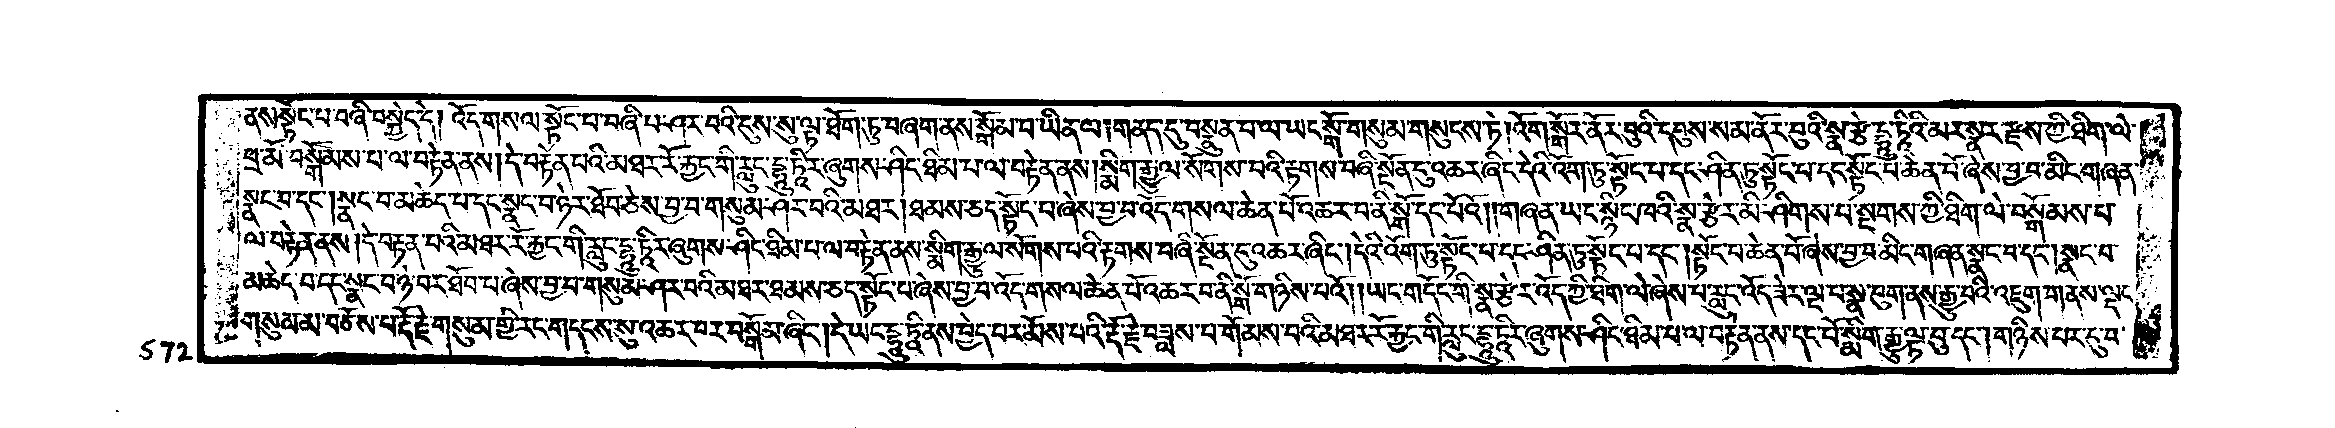ནས་སྟོང་པ་བཞི་བསྐྱེད་དེ། འོད་གསལ་སྟོང་པ་བཞི་པ་ཤར་བའི་དུས་སུ་ལྟ་ཐོག་ཏུ་བཞག་ནས་སྒོམ་པ་ཡིན་ལ། གནད་དུ་བསྣུན་པ་ལ་ཡང་སྒོ་གསུམ་གསུངས་ཏེ། འོག་སྒོར་ནོར་བུའི་དབུས་སམ་ནོར་བུའི་སྣ་རྩེ་དྷཱུ་ཏཱིའི་མར་སྣར་རྫས་ཀྱི་ཐིག་ལེ་
ཕྲ་མོ་བསྒོམས་པ་ལ་བརྟེན་ནས། དེ་བརྟེན་པའི་མཐར་རོ་རྐྱང་གི་རླུང་དྷཱུ་ཏཱིར་ཞུགས་ཤིང་ཐིམ་པ་ལ་བརྟེན་ནས། སྨིག་རྒྱུ་ལ་སོགས་པའི་རྟགས་བཞི་སྔོན་དུ་འཆར་ཞིང་དེའི་འོག་ཏུ་སྟོང་པ་དང་ཤིན་ཏུ་སྟོང་པ་དང་སྟོང་པ་ཆེན་པོ་ཞེས་བྱ་བ་མིང་གཞན་
སྣང་བ་དང་། སྣང་བ་མཆེད་པ་དང་སྣང་བ་ཉེར་ཐོབ་ཅེས་བྱ་བ་གསུམ་ཤར་བའི་མཐར། ཐམས་ཅད་སྟོང་པ་ཞེས་བྱ་བ་འོད་གསལ་ཆེན་པོ་འཆར་བ་ནི་སྒོ་དང་པོའོ། །གཞན་ཡང་སྙིང་ཁའི་སྣ་རྩེར་མི་ཤིགས་པ་སྔགས་ཀྱི་ཐིག་ལེ་བསྒོམས་པ་
ལ་བརྟེན་ནས། དེ་བརྟན་པའི་མཐར་རོ་རྐྱང་གི་རླུང་དྷཱུ་ཏཱིར་ཞུགས་ཤིང་ཐིམ་པ་ལ་བརྟེན་ནས་སྨིག་རྒྱུ་ལ་སོགས་པའི་རྟགས་བཞི་སྔོན་དུ་འཆར་ཞིང་། དེའི་འོག་ཏུ་སྟོང་པ་དང་ཤིན་ཏུ་སྟོང་པ་དང་། སྟོང་པ་ཆེན་པོ་ཞེས་བྱ་བ་མིང་གཞན་སྣང་བ་དང་། སྣང་བ་
མཆེད་པ་དང་སྣང་བ་ཉེ་བར་ཐོབ་པ་ཞེས་བྱ་བ་གསུམ་ཤར་བའི་མཐར་ཐམས་ཅད་སྟོང་པ་ཞེས་བྱ་བ་འོད་གསལ་ཆེན་པོ་འཆར་བ་ནི་སྒོ་གཉིས་པའོ། །ཡང་གདོང་གི་སྣ་རྩེར་འོད་ཀྱི་ཐིག་ལེ་ཞེས་པ་རླུང་འོད་ཟེར་ལྔ་པ་སྣ་བུག་ནས་རྒྱུ་བའི་འཇུག་གནས་ལྡང་
གསུམ་མ་བཅོས་པ་རྡོ་རྗེ་གསུམ་གྱི་རང་གདངས་སུ་འཆར་བར་བསྒོམ་ཞིང་། དེ་ཡང་དྷཱུ་ཏཱི་ནས་བྱེད་པར་མོས་པའི་རྡོ་རྗེ་བཟླས་པ་གོམས་པའི་མཐར་རོ་རྐྱང་གི་རླུང་དྷཱུ་ཏཱིར་ཞུགས་ཤིང་ཐིམ་པ་ལ་བརྟེན་ནས་དང་པོ་སྨིག་རྒྱུ་ལྟ་བུ་དང་། གཉིས་པར་དུ་བ་